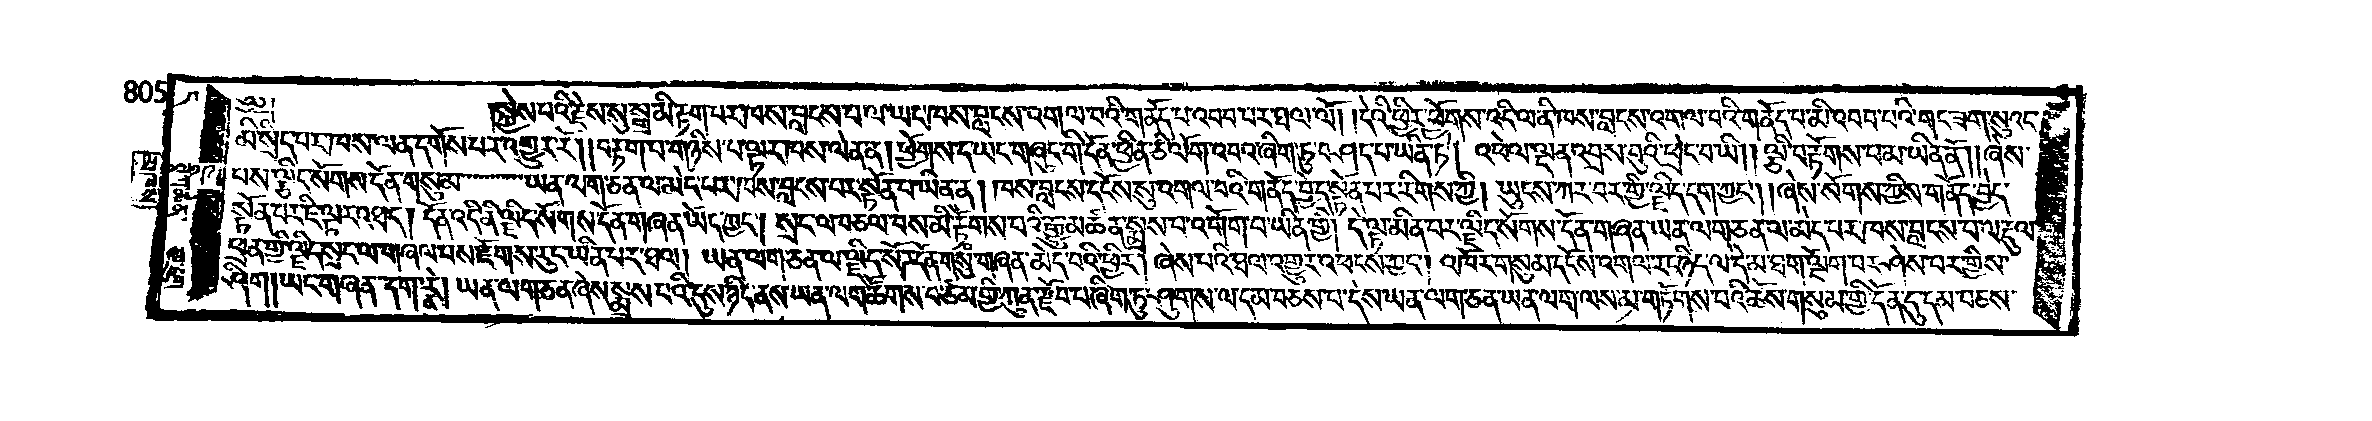༄༅། །སྐྱེས་པའི་རྗེས་སུ་སྒྲ་མི་རྟག་པར་ཁས་བླངས་པ་ལ་ཡང་ཁས་བླངས་འགལ་བའི་གནོད་པ་འབབ་པར་ཐལ་ལོ། །དེའི་ཕྱིར་ཕྱོགས་འདི་ལ་ནི་ཁས་བླངས་འགལ་བའི་གནོད་པ་མི་འབབ་པའི་གང་ཟག་སུའང་
མི་སྲིད་པར་ཁས་ལེན་དགོས་པར་འགྱུར་རོ། །བརྟག་པ་གཉིས་པ་ལྟར་ཁས་ལེན་ན། ཕྱོགས་དེ་ཡང་གཞུང་གི་དོན་ཕྱིན་ཅི་ལོག་འབའ་ཞིག་ཏུ་བཤད་པ་ཡིན་ཏེ། འཕེལ་ལྡན་འབྲས་བུའི་ཕྲེང་བ་ཡི། །ལྕི་བ་རྟོགས་པ་མ་ཡིན་ནོ། །ཞེས་
པས་ལྕིང་སོགས་དོན་གསུམ་ཡན་ལག་ཅན་ལ་མེད་པར་ཁས་བླངས་པར་སྟོན་པ་ཡིན་ན། ཁས་བླངས་དངོས་སུ་འགལ་བའི་གནོད་བྱེད་སྟོན་པར་རིགས་ཀྱི། ཡུངས་ཀར་བར་གྱི་ལྗིད་དག་ཀྱང་། །ཞེས་སོགས་ཀྱིས་གནོད་བྱེད་
སྟོན་པར་ཇི་ལྟར་འཐད། དོན་འདི་ནི་ལྗིད་སོགས་དོན་གཞན་ཡོད་ཀྱང་། སྲང་ལ་བཅལ་བས་མི་རྟོགས་པའི་རྒྱུ་མཚན་སྨྲས་པ་འགོག་པ་ཡིན་གྱི། དེ་ལྟ་མིན་པར་ལྗིད་སོགས་དོན་གཞན་ཡན་ལག་ཅན་ལ་མེད་པར་ཁས་བླངས་པ་ལ་རྡུལ་
ཕྲན་གྱི་ལྗིད་སྲང་ལ་གཞལ་བས་རྫོགས་རུང་ཡིན་པར་ཐལ། ཡན་ལག་ཅན་ལ་ལྗིད་སོགས་དོན་གསུམ་གཞན་མེད་པའི་ཕྱིར། ཞེས་པའི་ཐལ་འགྱུར་འཕངས་ཀྱང་། འཁོར་གསུམ་དངོས་འགལ་རང་ཉིད་ལ་དེ་མ་ཐག་ལྡོག་པར་ཤེས་པར་གྱིས་
ཤིག །ཡང་གཞན་དག་ན་རེ། ཡན་ལག་ཅན་ཞེས་སྨྲས་པའི་དུས་ཉིད་ནས་ཡན་ལག་ཚོགས་པ་ཙམ་གྱི་ཀུན་རྫོབ་པ་ཞིག་ཏུ་ཤུགས་ལ་དམ་བཅས་པ་དེས་ཡན་ལག་ཅན་ཡན་ལག་ལས་མ་གཏོགས་པའི་ཆོས་གསུམ་གྱི་དོན་དུ་དམ་བཅས་